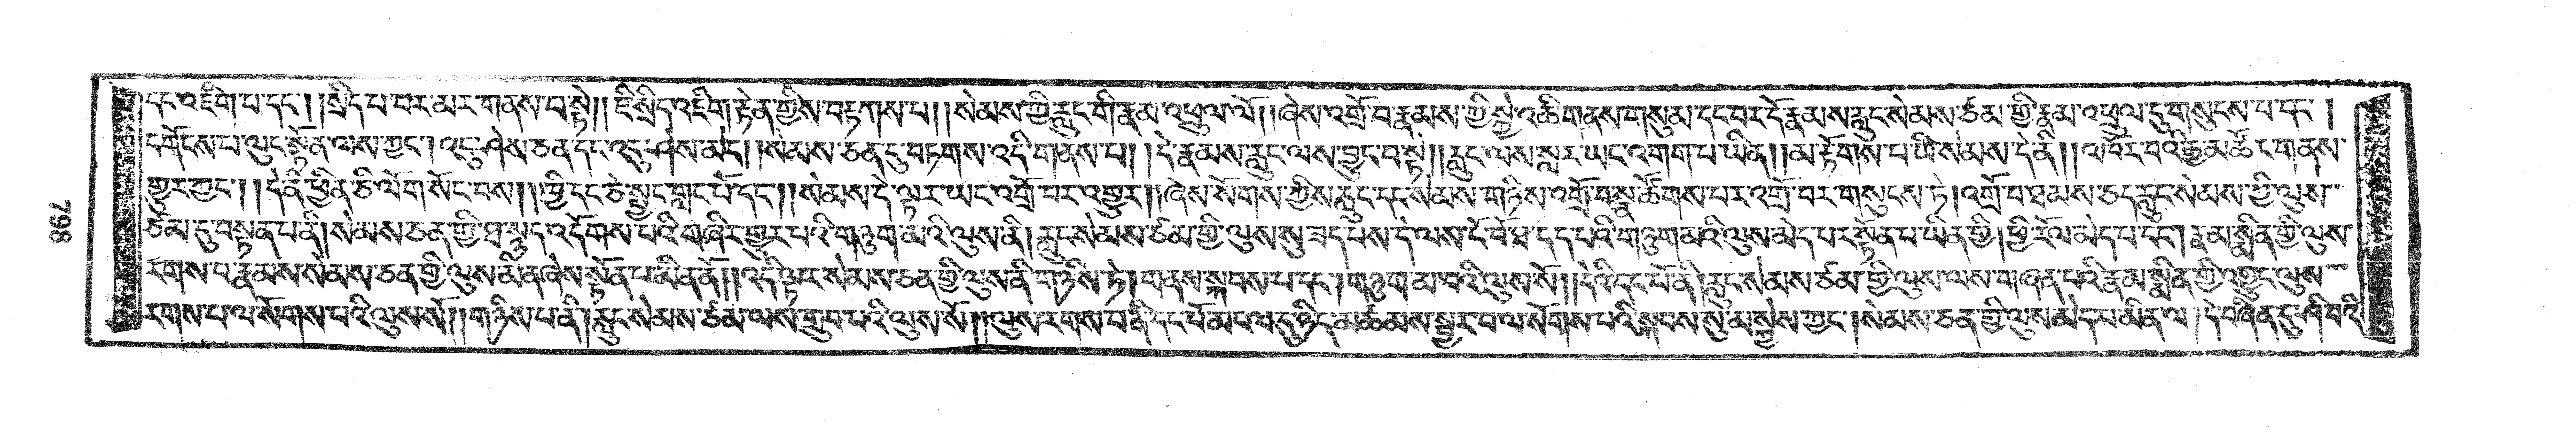དང་འཇིག་པ་དང་། །སྲིད་པ་བར་མར་གནས་པ་སྟེ། །ཇི་སྲིད་འཇིག་རྟེན་གྱིས་བརྟགས་པ། །སེམས་ཀྱི་རླུང་གི་རྣམ་འཕྲུལ་ལོ། །ཞེས་འགྲོ་བ་རྣམས་ཀྱི་སྐྱེ་འཆི་གནས་གསུམ་དང་བར་དེ་རྣམས་རླུང་སེམས་ཙམ་གྱི་རྣམ་འཕྲུལ་དུ་གསུངས་པ་དང་།
དགོངས་པ་ལུང་སྟོན་ལས་ཀྱང་། འདུ་ཤེས་ཅན་དང་འདུ་ཤེས་མེད། །སེམས་ཅན་དུ་བཏགས་འདི་གནས་པ། །དེ་རྣམས་རླུང་ལས་བྱུང་བ་སྟེ། །རླུང་ལས་སླར་ཡང་འགག་པ་ཡིན། །མ་རྟོགས་པ་ཡི་སེམས་དེ་ནི། །འཁོར་བའི་རྒྱ་མཚོར་གནས་
གྱུར་ཀྱང་། །དེ་ནི་ཕྱིན་ཅི་ལོག་སོང་བས། །ཁྱི་དང་ཅེ་སྤྱང་གླང་པོ་དང་། །སེམས་དེ་ལྟར་ཡང་འགྲོ་བར་འགྱུར། །ཞེས་སོགས་ཀྱིས་རླང་དང་སེམས་གཉིས་འགྲོ་བ་སྣ་ཚོགས་པར་འགྲོ་བར་གསུངས་ཏེ། འགོ་བ་ཐམས་ཅད་རླུང་སེམས་ཀྱི་ལུས་
ཙམ་དུ་བསྟན་པ་ནི། སེམས་ཅན་གྱི་ཐ་སྙད་འདོགས་པའི་གཞིར་གྱུར་པའི་གཉུག་མའི་ལུས་ནི། རླུང་སེམས་ཙམ་གྱི་ལུས་སུ་ཟད་པོས་དེ་ལས་ངོ་བོ་ཐ་དད་པའི་གཉུག་མའི་ལུས་མེད་པར་སྟོན་པ་ཡིན་གྱི། ཕྱི་རོལ་མེད་པ་དང་། རྣམ་སྨིན་གྱི་ལུས་
དགུས་པ་རྣམས་སེམས་ཅན་གྱི་ལུས་མིན་ཞེས་སྟོན་པ་མིན་ནོ། །འདི་ལྟར་སེམས་ཅན་གྱི་ལུས་ནི་གཉིས་ཏེ། གནས་སྐབས་པ་དང་། གཉུག་མ་བའི་ལུས་སོ། །དེའི་དང་པོ་ནི། རླུང་སེམས་ཙམ་གྱི་ལུས་ལས་གཞན་པའི་རྣམ་སྨིན་གྱི་འབྱུང་ལུས་
རིགས་པ་ལ་སོགས་པའི་ལུས་སོ། །གཉིས་པ་ནི། རླུང་སེམས་ཙམ་ལས་གྲུབ་པའི་ལུས་སོ། །ལུས་རགས་པ་ནི་དང་པོ་མངལ་དུ་ཉིད་མཚམས་སྦྱར་བ་ལ་སོགས་པའི་སྐབས་སུ་མ་སྐྱེས་ཀྱང་། སེམས་ཅན་གྱི་ལུས་མེད་པ་མིན་ལ། དེ་བཞིན་དུ་ཤི་བའི་